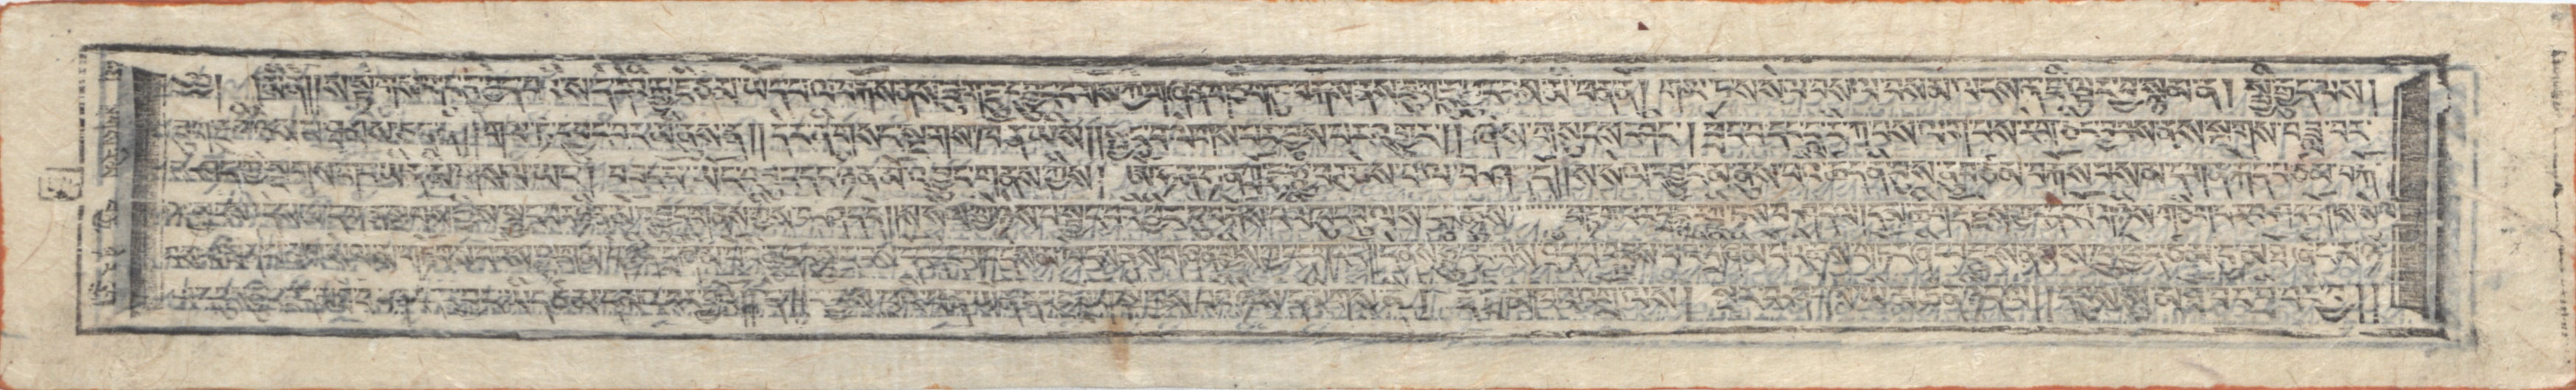༄༅། །མིན་ནོ། །ས་སྟེགས་གང་དུ་བྱེད་པའི་ས་དེ་དེའི་རྒྱ་ཇི་ཙམ་ཡོད་པ་ལ་བརྐོས་ནས་ཟུག་རྔུ་དབྱུང་དགོས་ཀྱི་གཞན་གཅིག་ཏུ་བརྐོས་ནས་ཟུག་རྔུ་བྱུང་བས་མི་ཕན་ནོ། གལ་ཏེ་ས་སེལ་བསལ་བསམ་ལངས་ན་ཇི་ལྟར་བྱ་སྙམ་ན། སྤྱི་རྒྱུད་ལས།
ཟུག་རྔུའི་ཉེས་པ་ཐམས་ཅད་ནི། །གལ་ཏེ་དབྱུང་བར་མི་ནུས་ན། །དེར་ནི་གསང་སྔགས་ཁོ་ན་ཡིས། །སྦྱང་བ་ལེགས་པར་བྱས་པར་འགྱུར། །ཞེས་གསུངས་ཤིང་། ཕྲེང་བ་དང་དཱ་རི་ཀ་བས་ལག་པས་རེག་ཅིང་བྱབས་ནས་སྔགས་བཟླ་བར་
བཤད་ཀྱི་སྔགས་གང་ཡིན་མི་གསལ་ཡང་། བཟང་པོ་ཡོང་བཟུང་དང་ཉིན་མོ་འབྱུང་གནས་ཀྱིས། ཨོཾ་ཧ་ན་ཧ་ན་ཀྲོ་དྷ་ཧཱུཾ་ཕཊ་ཅེས་པ་ལ་བཤད་དོ། །ས་སེལ་དབྱུང་མ་ནུས་པའི་ཚད་ནི་པུས་ནུབ་ཙམ་བརྐོས་བས་མ་དག་ན་རྐེད་པ་ཙམ་བརྐོ་
ལ་སྦྱངས། དེས་མ་དག་ན་སྔགས་ཀྱིས་སྦྱང་བར་ཉིན་མོ་འབྱུང་གནས་ཀྱིས་བཤད་དོ། །ས་སེལ་གྱི་ཉེས་པ་སྦྱང་བའི་ཕྱིར་དུ་བརྐོས་པའི་ཁུང་བུ་ལ་ས་དང་ཆུས་བརྟག་པར་པྲཛྙཱ་རཀྵི་ཏས་བཤད་ལ། དམ་ཚིག་རྡོ་རྗེས་ཀྱང་དང་པོ་གཉིས་གཅིག་པར་བཤད་དོ། །ས་སེལ་
བསལ་ཟིན་པ་ན་ས་སེལ་མ་གཏོགས་པའི་ས་ལྷག་མ་དེ་ཉིད་དྲི་ཞིམ་པོའི་ཆུ་དང་སྦྱར་བས་དོང་དེ་དགང་དེས་མ་ཁེངས་ན་ས་གཞན་གྱིས་ཀྱང་དགང་ངོ། །དེ་ནས་ཧཱུཾ་དང་ལས་ཐམས་ཅད་པ་བཟླས་པའི་དྲི་ཞིམ་པོའི་ཆུས་གཏོར་ཞིང་བརྡུངས་ནས་ས་ཁྲུ་ཕྱེད་ཙམ་དུ་མཐོ་ཞིང་མཉམ་
ལ་དབུས་ཅུང་ཟད་མཐོ་བ་ཤར་དང་བྱང་ཡིད་ཙམ་དམའ་བར་བྱའོ། །དེ་ལྟར་བྱས་པའི་ཕན་ཡོན་དང་བཟློག་སྟེ་བྱས་པའི་ཉེས་དམིགས་ནི། རྡོ་རྗེ་མཁའ་འགྲོ་ལས། སྔར་བཤད་ས་ཡི་མཚན་ཉིད་ལ། །དབུས་སུ་མཐོ་བར་བྲི་བར་བྱ། །